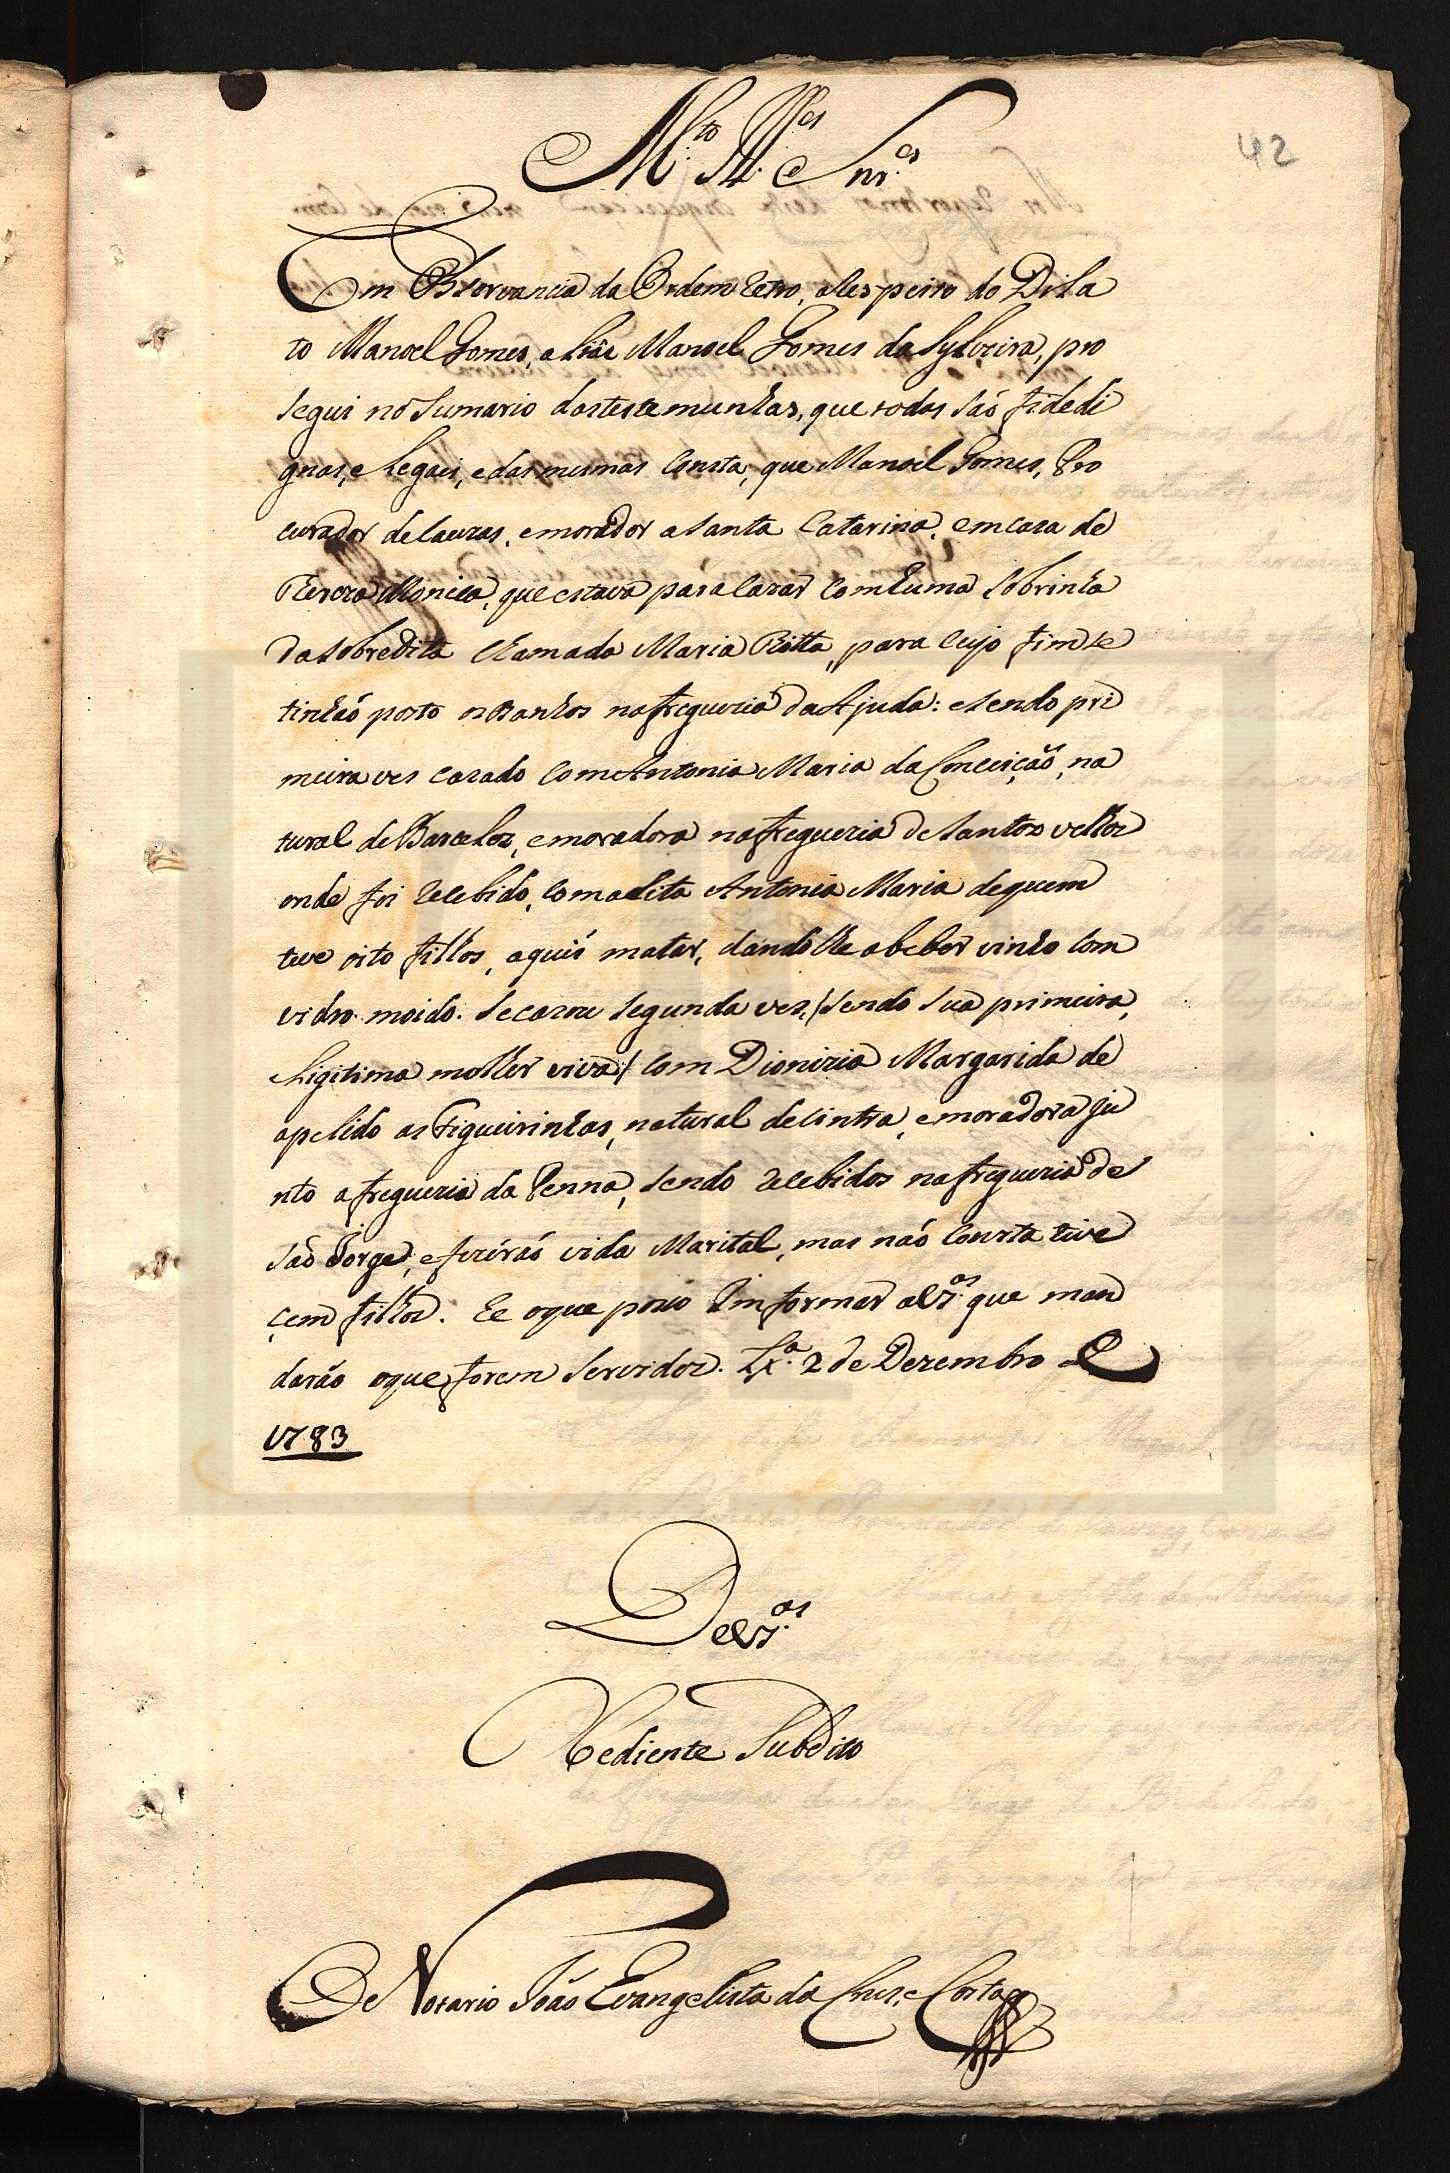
M.to Ill.es Snr.es
Em Observancia da Ordem Retro, a respeito do Dila
to Manoel Gomes, aliás Manoel Gomes da Sylveira, pro
segui no Sumario das testemunhas, que todas são fidedi
gnas, e legais, e das mesmas consta, que Manoel Gomes, Pro
curador de cauzas, e morador a santa Catarina, em casa de
Thereza Monica, que estava para cazar com huma sobrinha
da sobredita chamada Maria Ritta, para cujo fim se
tinhaõ posto os banhos na freguezia da Ajuda: e sendo pri
meira ves cazado com Antonia Maria da Conceiçaõ, na
tural de Barceloz, e moradora na freguezia de santos velhoz
onde foi Recebido, com a dita Antonia Maria de quem
teve oito filhos, a quis matar, dandolhe a beber vinho com
vidro moido. se cazou segunda ves, sendo sua primeira,
e ligitima molher viva com Dionizia Margarida de
apelido as Figueirinhas, natural de Cintra, e moradora ju
nto a freguezia da Penna, sendo recebidos na freguezia de
São Iorge, e fizéraõ vida marital, mas naõ consta tive
çem filhos. he o que posso informar a v s.as que man
darão o que forem servidoz. Lx.a 2 de Dezembro d̄
1783
De v s.as
Obediente Subdito
O Notario Ioaõ Evangelista da Crus, e Costa
